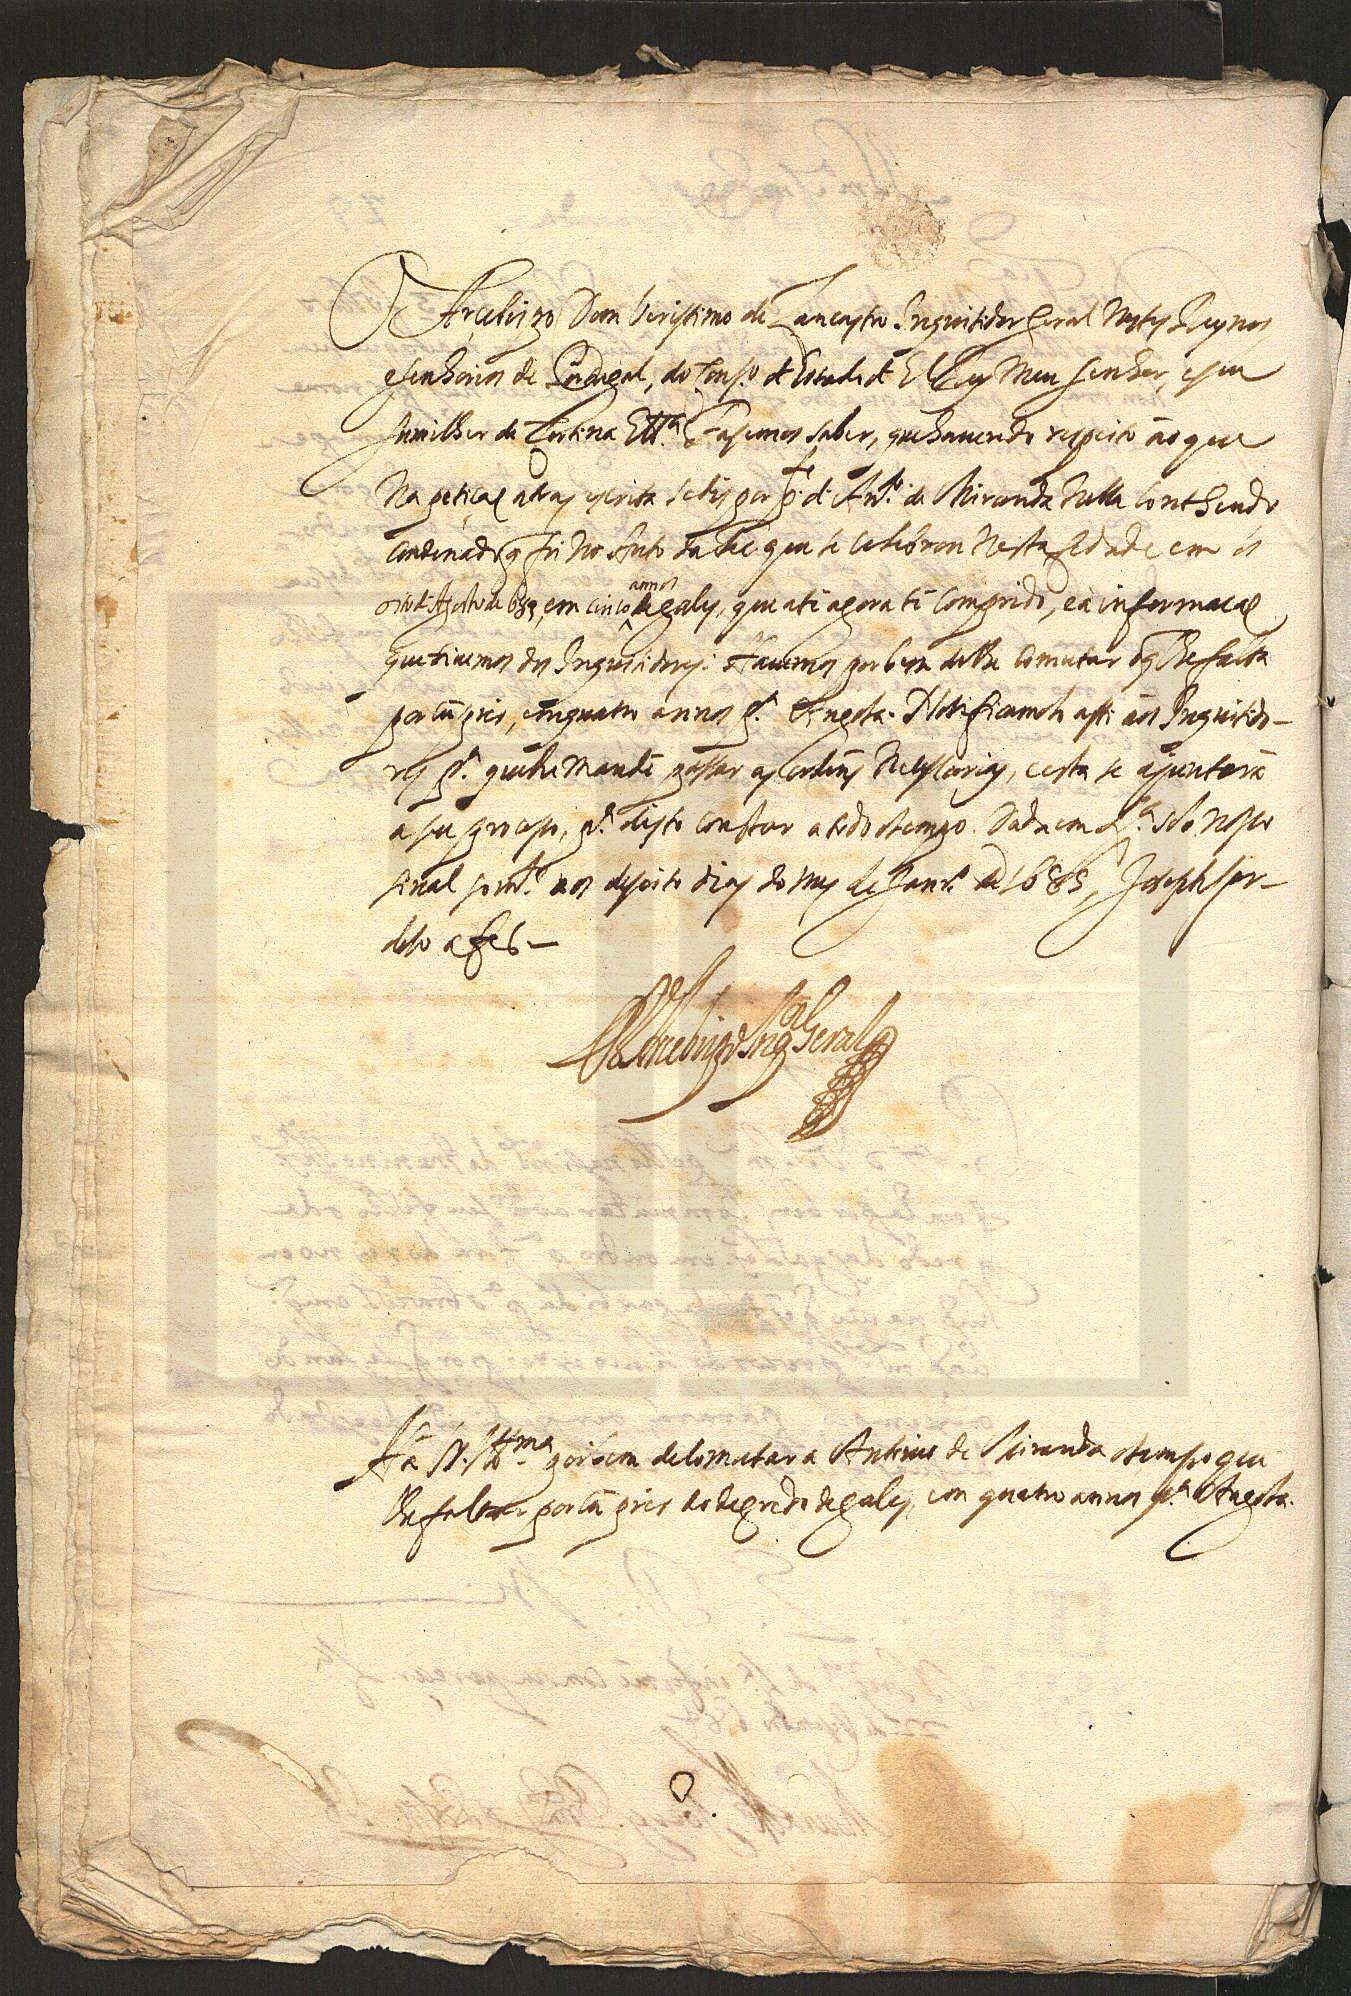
O Arçebispo Dom Verissimo de Lancastro Inquisidor Geral nestes Reynos
e senhorios de Portugal, do Cons.o d̄ Estado d̄ El Rey meu senhor, e seu
sumilher da Cortina Ett.a Fasemos saber, que hauendo respeito ào que
na petiçaõ atras escrita se dis por p.te d. An.to de Miranda nella contheudo
condenado q̄ foi no Auto da Fee que se celebrou nesta Cidade em os
oito de Agosto de 683, em cinco
annos
de gales que até agora tē comprido, e a informacaõ
que tiuemos dos Inquisidores: Hauemos por bem de lhe comutar o q̄ lhe falta
por cūprir, em quatro annos p.a Angola. Notificamos assi aos Inquisido
res p.a que lhe mandē passar as ordens̄ necessarias, e esta se ajuntará
a seu processo, p.a disto constar a todo o tempo. Dada em Lx.a sob nosso
sinal som.te aos desoito dias do mes de Janr.o de 1685, Joseph Car
doso a fes ‒
Há Vs. Ill.ma por bem de comutar a Antonio de Miranda o tempo que
lhe falta por cūprir do degredo de gales, con quatro annos p.a Angola.
